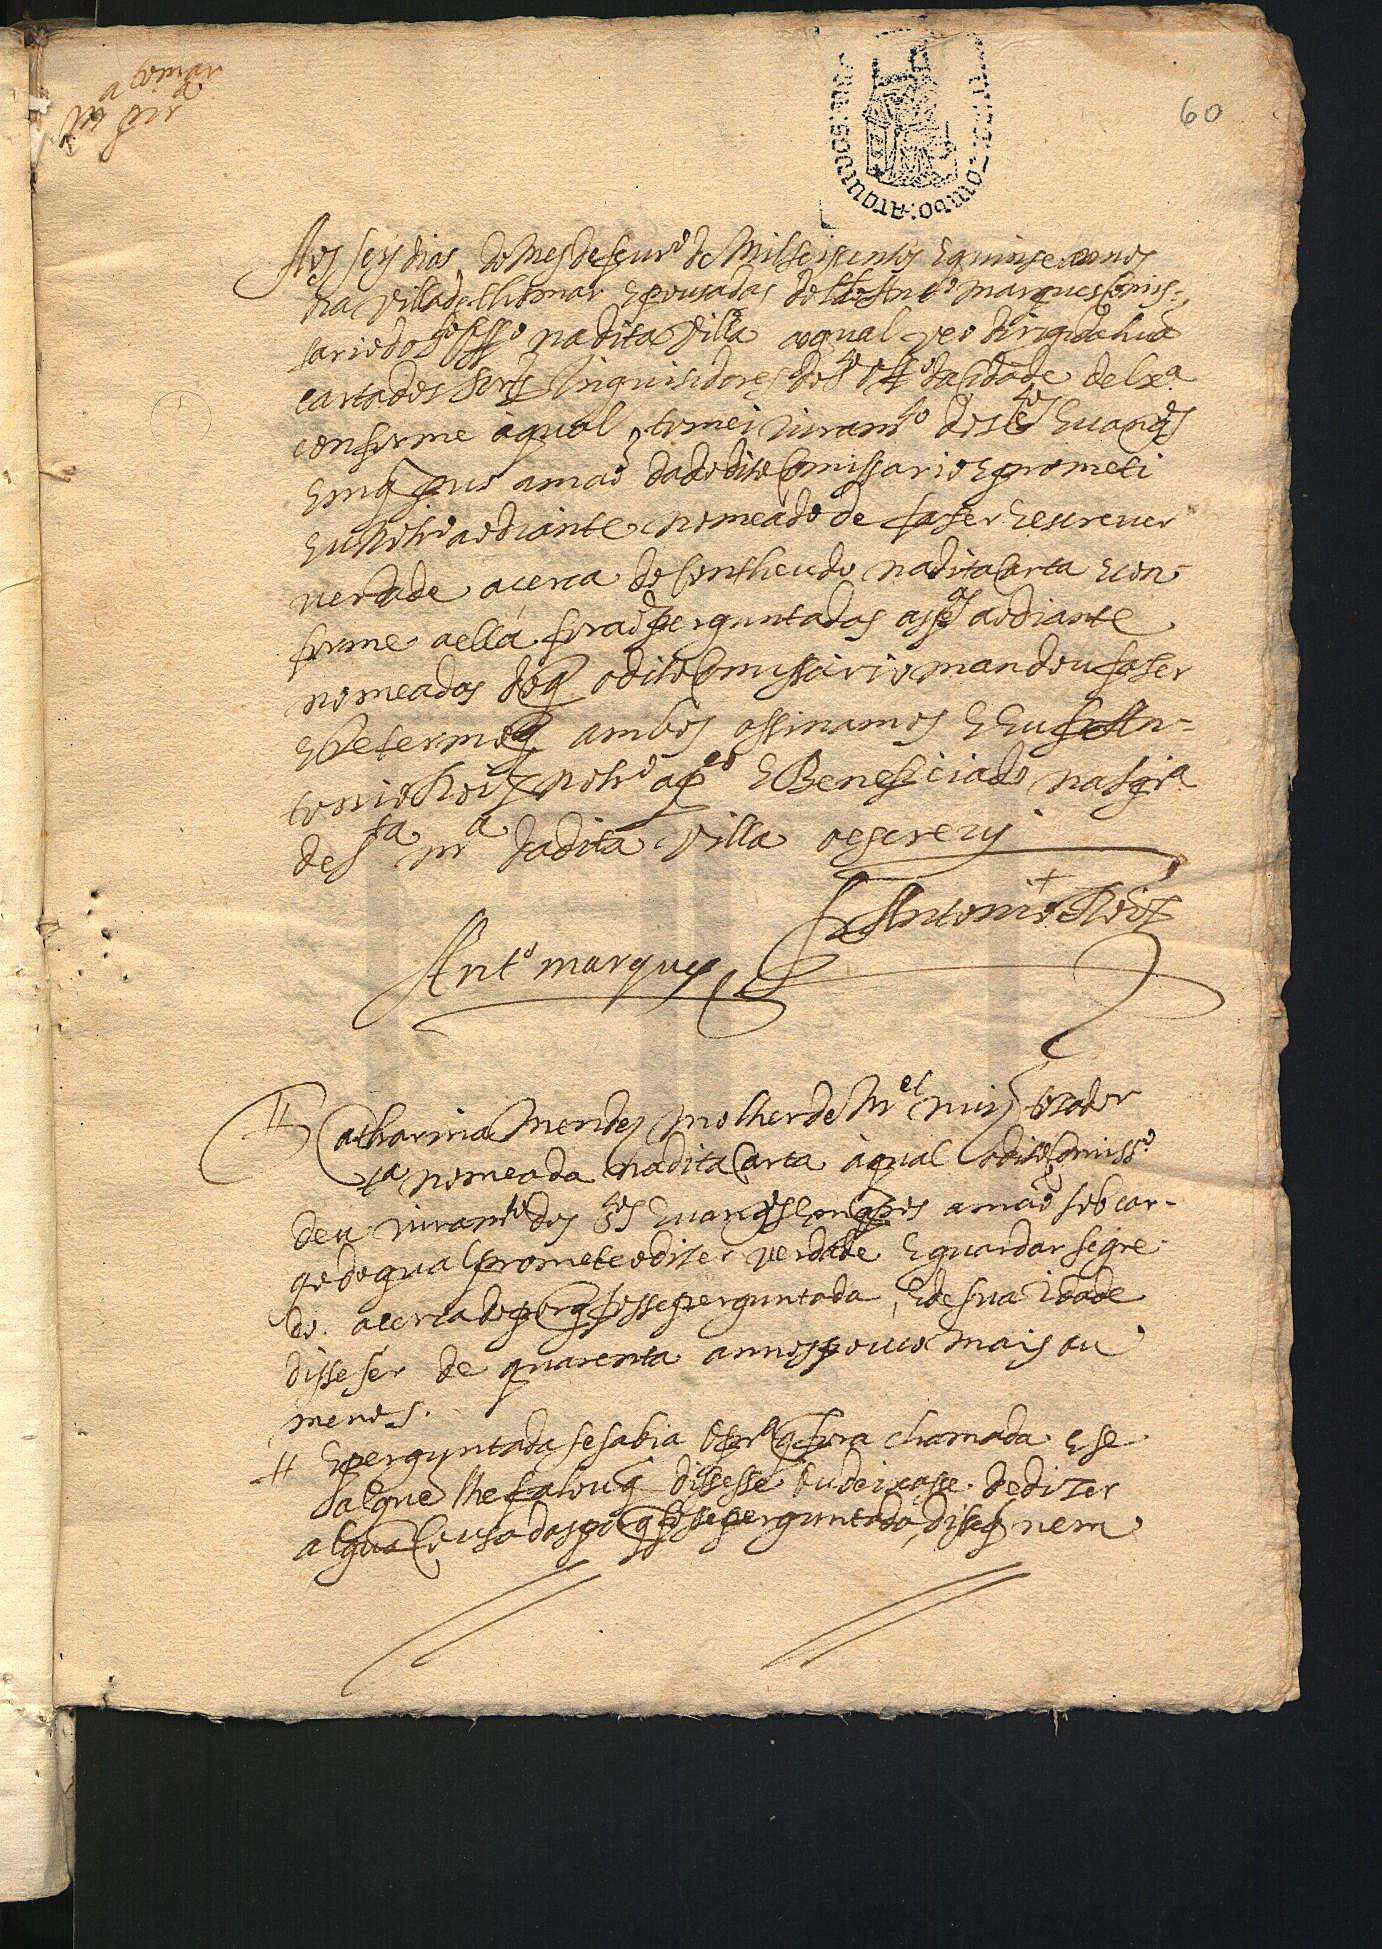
Aos Seis dias do mes de feuro de Mil seiscentos E quinse annos
na Villa de thomar E pousadas do Ldo Anto marques Comis
sario do Sto Offo na dita Villa ao qual veo dirigido huā
carta dos Sors̄ Inquisidores do Sto Offo da Cidade de lx.a
conforme à qual tomei iuramto dos stos Euangos
Em a q̄ pus a maõ da do dito Comissario E prometi
Eu Notro ao diante nomeado de faser E escreuer
uerdade açerca do Contheudo na dita Carta E con
forme a ella foraõ perguntadas as pas ao diante
nomeadas do q̄ o dito Comissario mandou faser
Este termo q̄ ambos assinamos E Eu fr An
tonio Roiz notro apco E Beneficiado na Igra.
de Sta ma da dita Villa o escreuj
item Catharina mendes molher de mel nuis̄ tozador
ta nomeada na dita Carta à qual o dito Comiss.o
deu iuramto dos stos Euangos con q̄ pos a maõ sob car
go do qual prometeo dizer verdade E guardar segre
do. açerca do porq̄ fosse perguntada, E de sua Idade
disse ser de quarenta annos pouco mais ou
menos.
item E perguntada se sabia o pra q̄ fora chamada E se
alguē lhe falou q̄ dissesse ou deixasse de dizer
alguā Cousa das por q̄ fosse perguntada, disse q̄ nem
